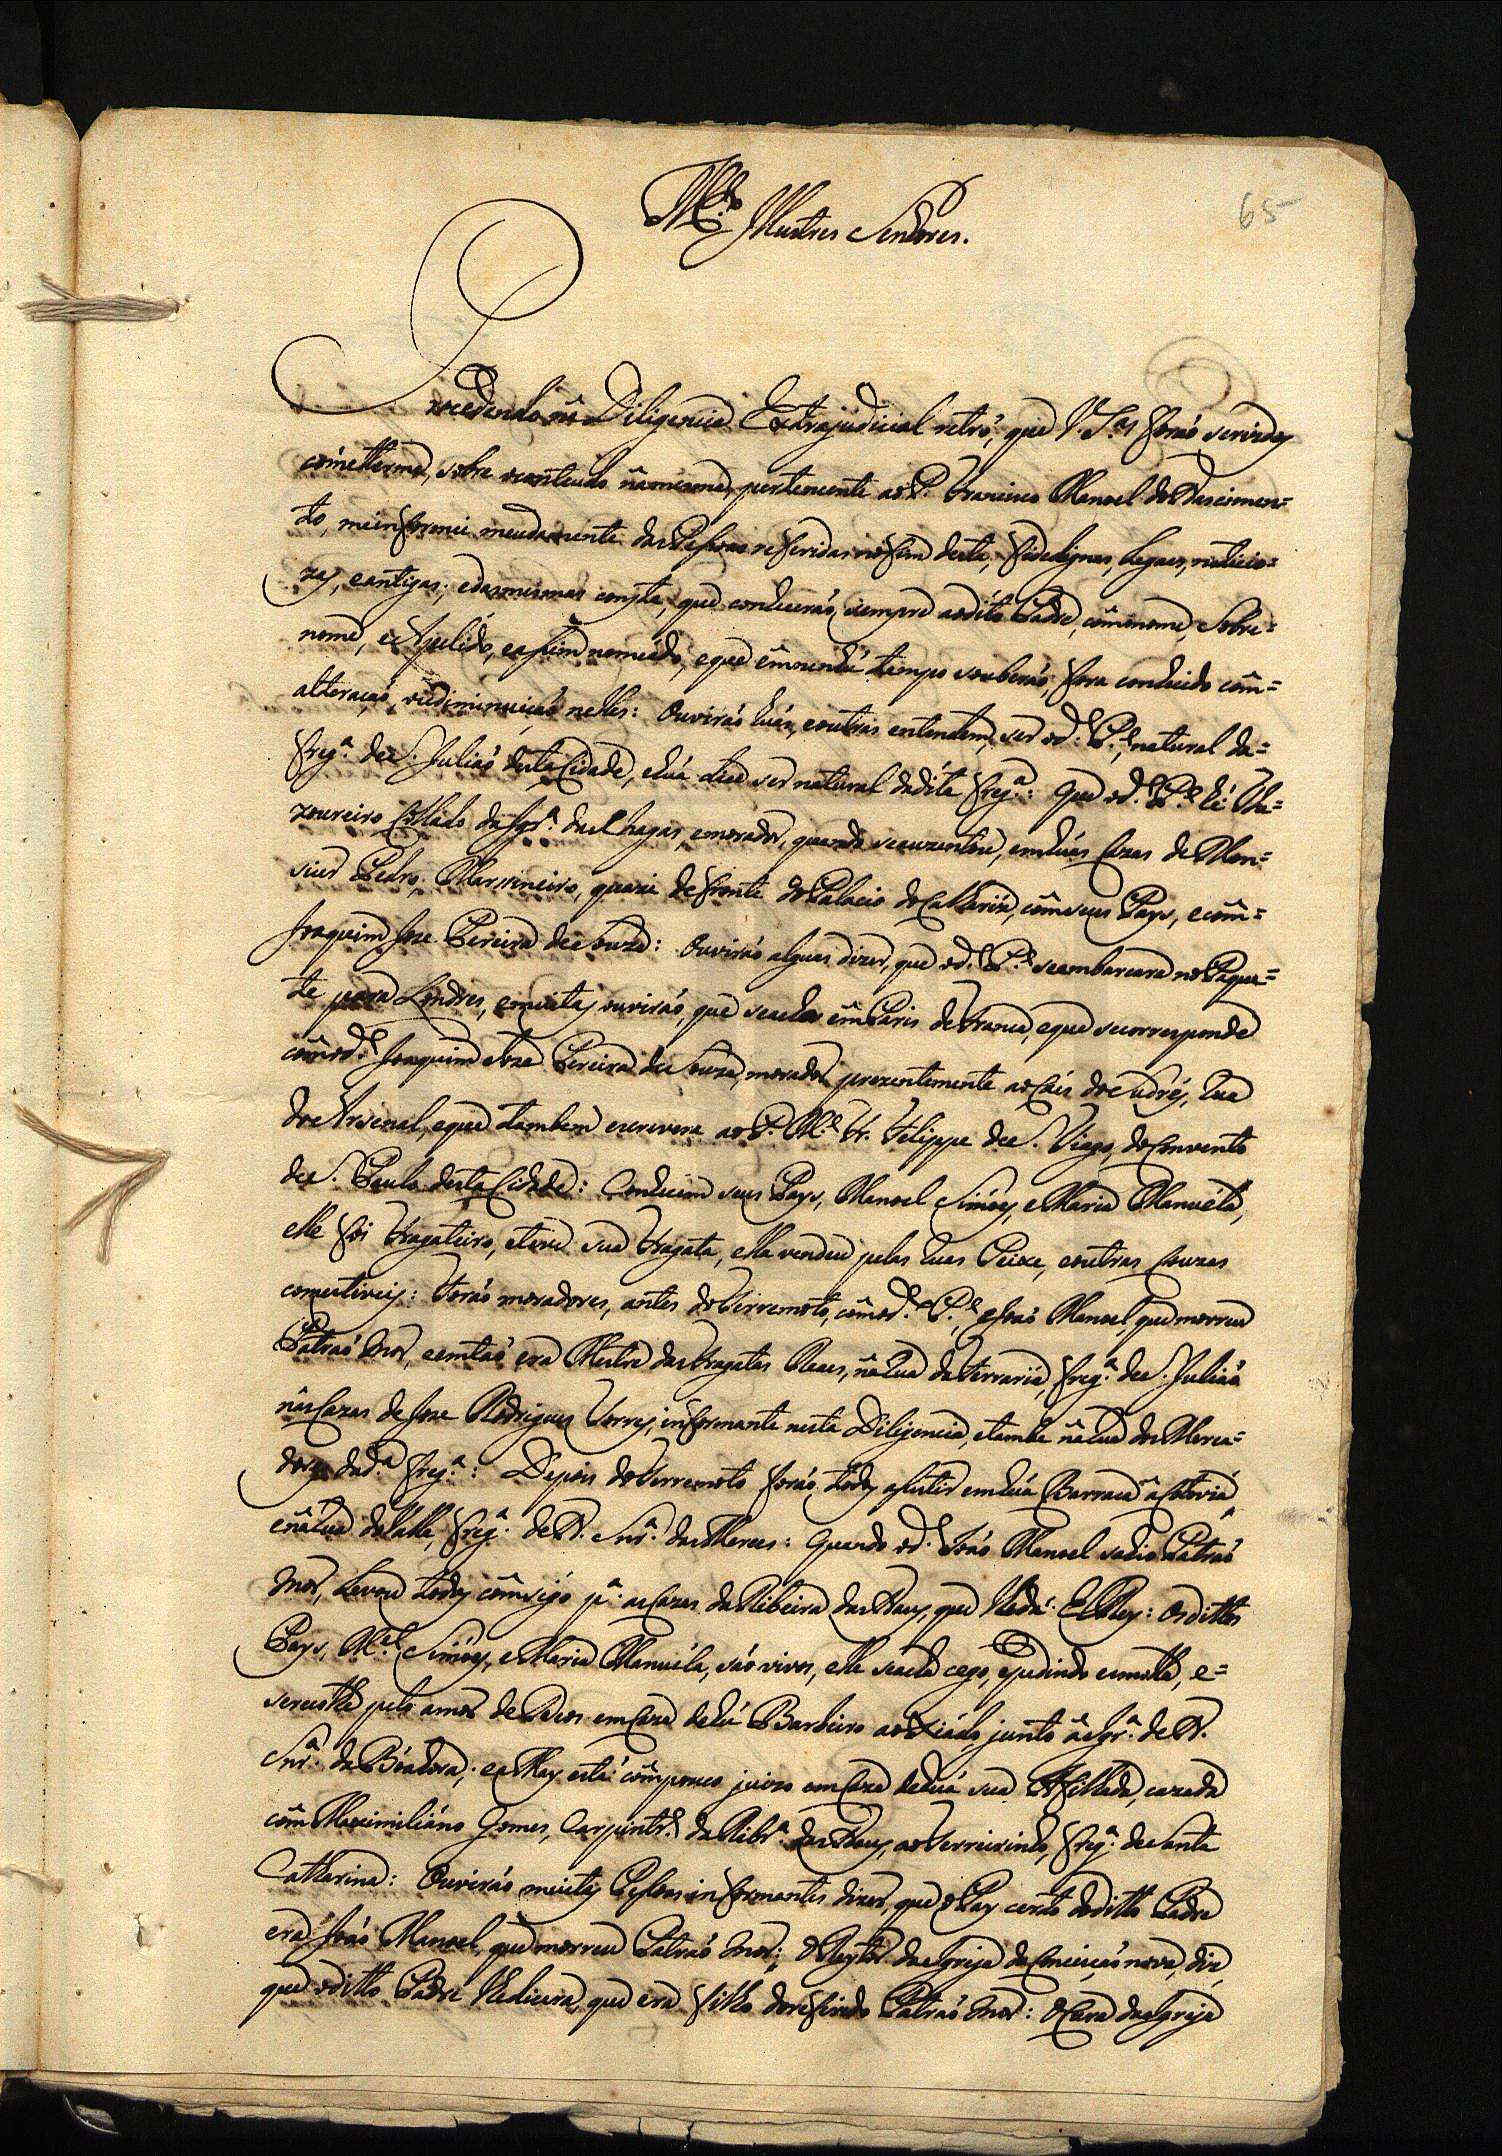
M.to Illustres Senhores.
Precedendo na Diligencia Extrajudical retró, que V. S.as foraõ servidos
com̄etterme, sobre o conteudo na mesma, pertencente ao P.e Francisco Manoel do Nascimen
to, me informei meudamente das Pessoas referidas no fim desta, fidedignas, legaes, noticio
zas, e antigas; e das mesmas consta, que conheceraõ, sempre ao dito Padre, com o nome, Sobre
nome, e Apelido, e assim nomeádo, e que em nenhū tempo souberaõ, fora conhecido com
alteraçaõ, ou diminuiçaõ nelles: Ouviraõ huās, e outras entendem, ser o d.o P.e, natural da
freg.a de S. Juliaõ desta Cidade, e huā dice ser natural da dita freg.a: que o d.o P.e hé The
zoureiro Collado da Jgr.a das Chagas, e morador, quando se auizinhou, em huās Cazas de Mon
siur Pedro, Marssineiro, quazi defronte do Palacio do Calhariz̄, com seus Pays, e com
Joaquim Joze Pereira de Souza: Ouviraõ alguas dizer, que o d.o P.e se embarcara no Paque
te para Londres, e muitas ouviraõ, que se acha em Paris de França, e que se corresponde
com o d.o Joaquim Ioze Pereira de Souza, morador prezentemente ao Caés do Sudrés, Rua
do Arsenal, e que tambem escrevera ao P. M.e Fr. Felippe de S. Tiago, do Convento
de S. Paulo desta Cidade: Conhecem seus Pays, Manoel Simões, e Maria Manuéla,
elle foi Fragateiro, e teve sua Fragata, ella vendeu pelas Ruas Peixe, e outras Couzas
comestiveis: Foraõ moradores, antes do Terremoto, com o d.o P.e, e Joaõ Manoel, que morreu
Patraõ mor, e emtaõ era Mestre das Fragatas Reaes, na Rua de Ferraria, freg.a de S. Juliaõ
nas Cazas de Joze Rodriguez Torres, informante nesta Diligencia, e tambe na Rua do Merca
dores da d.a freg.a: Depois do Terremoto foraõ todos asistir em huā Barraca a Cotovia
e na Rua do Valle, freg.a de N. Snr. das Merces: Quando o d.o Ioaõ Manoel sahio Patraõ
mor, Levou todos comsigo p.a as Cazas da Ribeira das Naus, que lhe dá El Rey: os dittos
Pays, M.el Simoes, e Maria Manuela, saõ vivos, elle se acha cego, e pedindo esmolla, e
seruelhe pelo amor de Deos em Caza de hū Barbeiro ao Xiádo junto a Igr.a de N.
Snr.a da Bóa hora; e a May está com pouco juizo em Caza de huā sua Afilhada, cazada
com Maximiliáno Gomes, Carpintr.o da Ribr.a das Naus, ao Ferreirinho, frg.a de Santa
Catharina: Ouviraõ muitas Pessoas informantes dizer, que o Pay certo do ditto Padre
era Joaõ Manoel, que morreu Patraõ mor; O Reytor da Igreja de Conceiçaõ nova, diz
que o ditto Padre lhe dicera, que era filho do referido Patraõ mor: O Cura da Igreja
